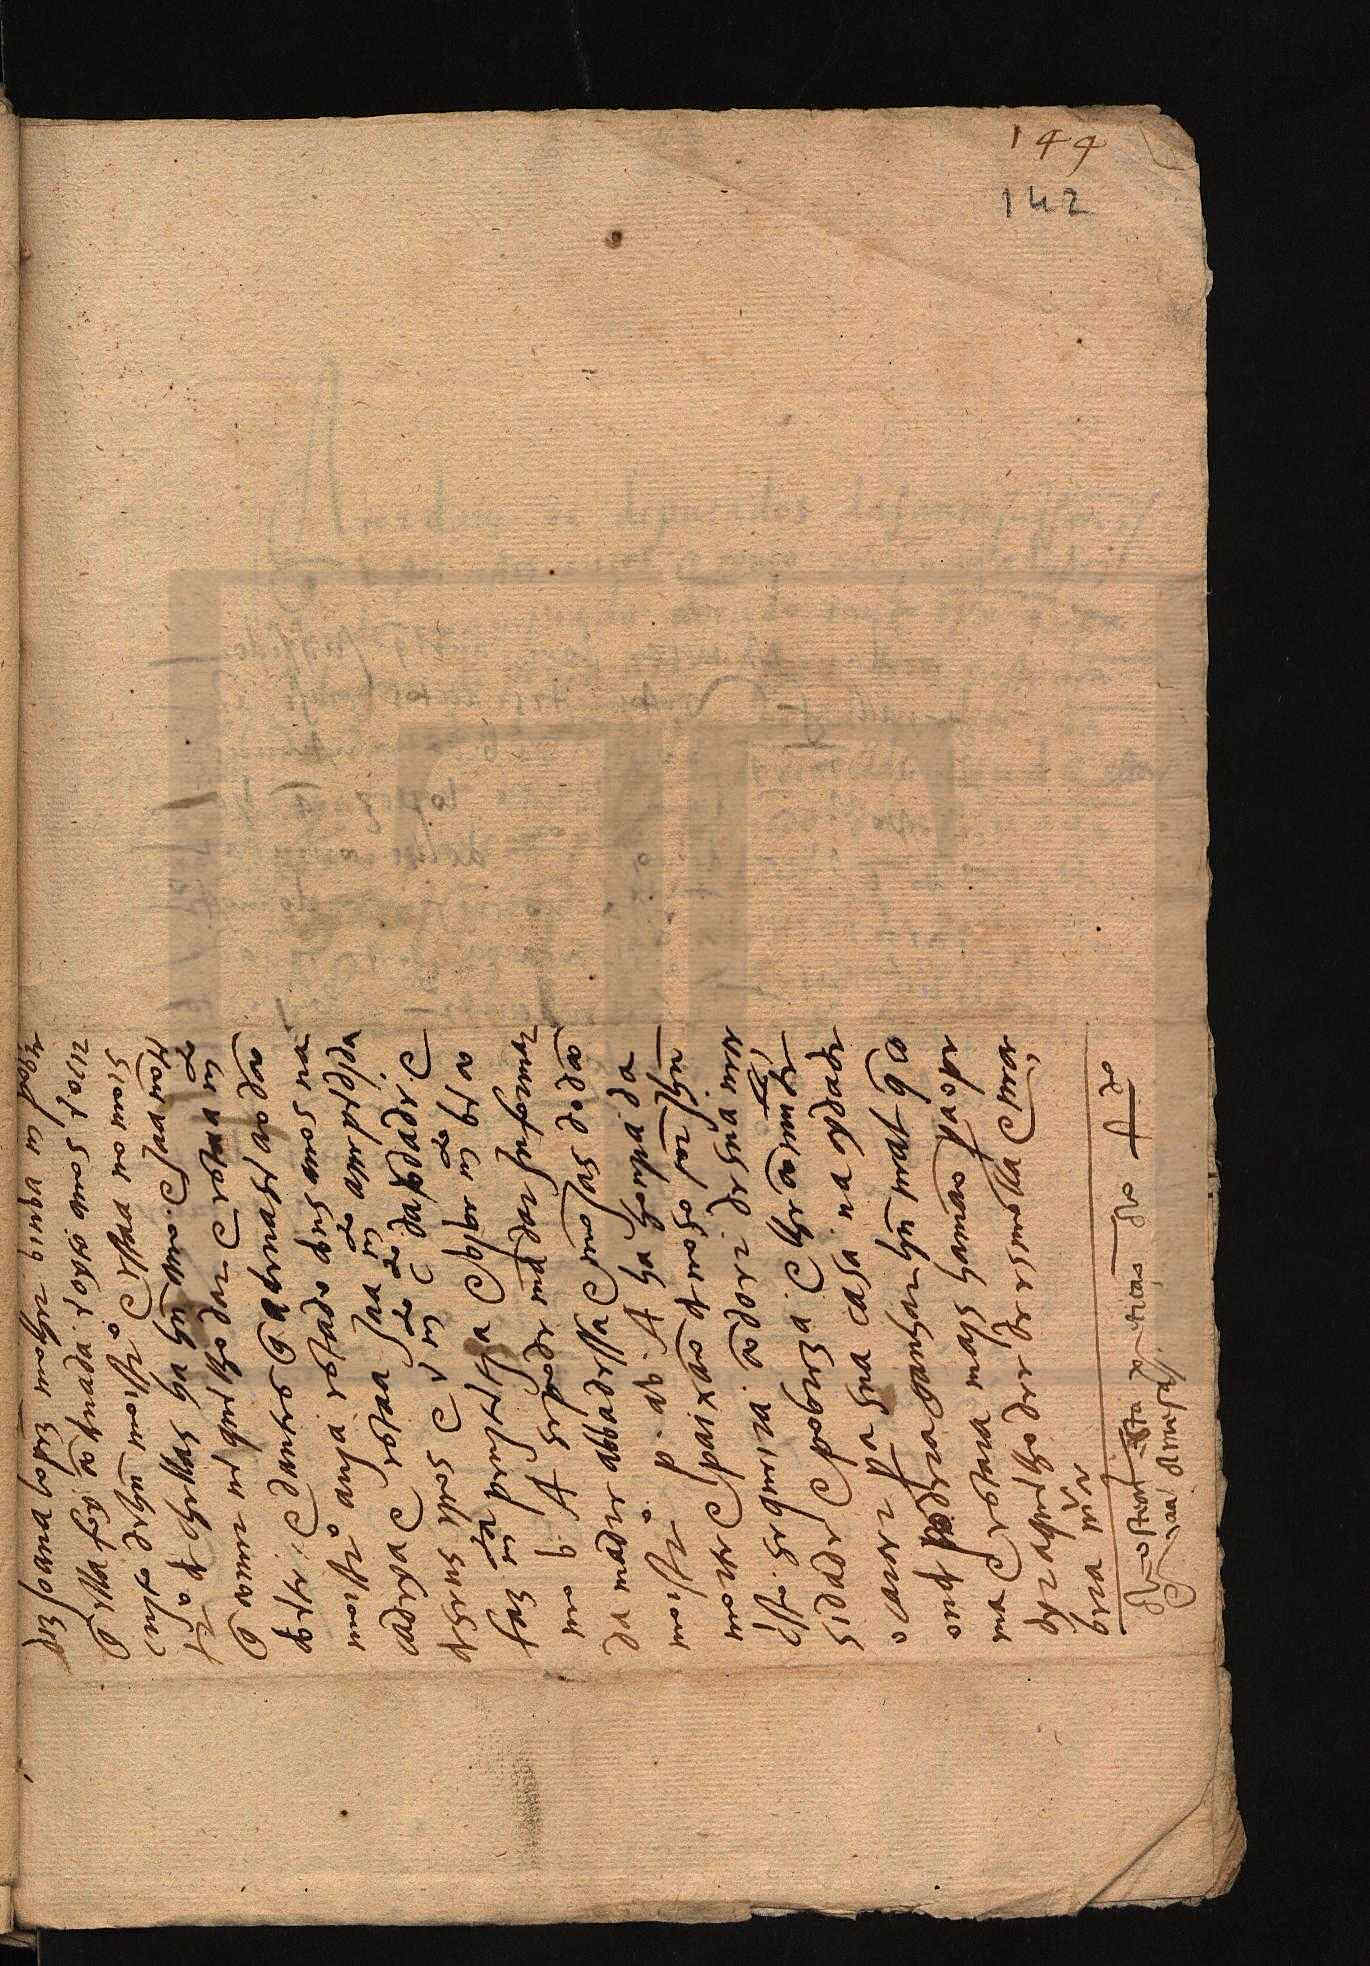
diz Joana lopez molher viuva m pobre
q̄ ella foy c̄odenada ē oyto anos ē o cir
cujto de hū moistro e estaa no mois
tro de chellas ha hū ano. e Jaa nō tē
q̄ comer nē quē lho dar e estaa mto
doēte, e dantes q̄ a leuasē ao dc̄o
moistro auja estado dous anos na
cadeya e estaa Jaa mto arrepēdjda
de seus erros e ē mto cto da ꝟdade e
faz mta penjtētja e vjve mto bē co
mo v. A se pode mādar Jnformar
da madre abbadessa e mōJas do dc̄o
moistro p. a v. A ha honra da
morte e paixão de noso sōr Jhū
cisto se queira c̄odoer de sua nece
sidade e pobreza e lhe c̄omute
o carcer ꝑa sua casa na cydade
onde podera ganhar hū real q̄ co
ma e estara majs ha mão ꝑa o pe
dyr a quē lho dee de esmolla e rece
bera mrce
Acostese esta petiçaõ Ao fto
e vaa A mesa /
